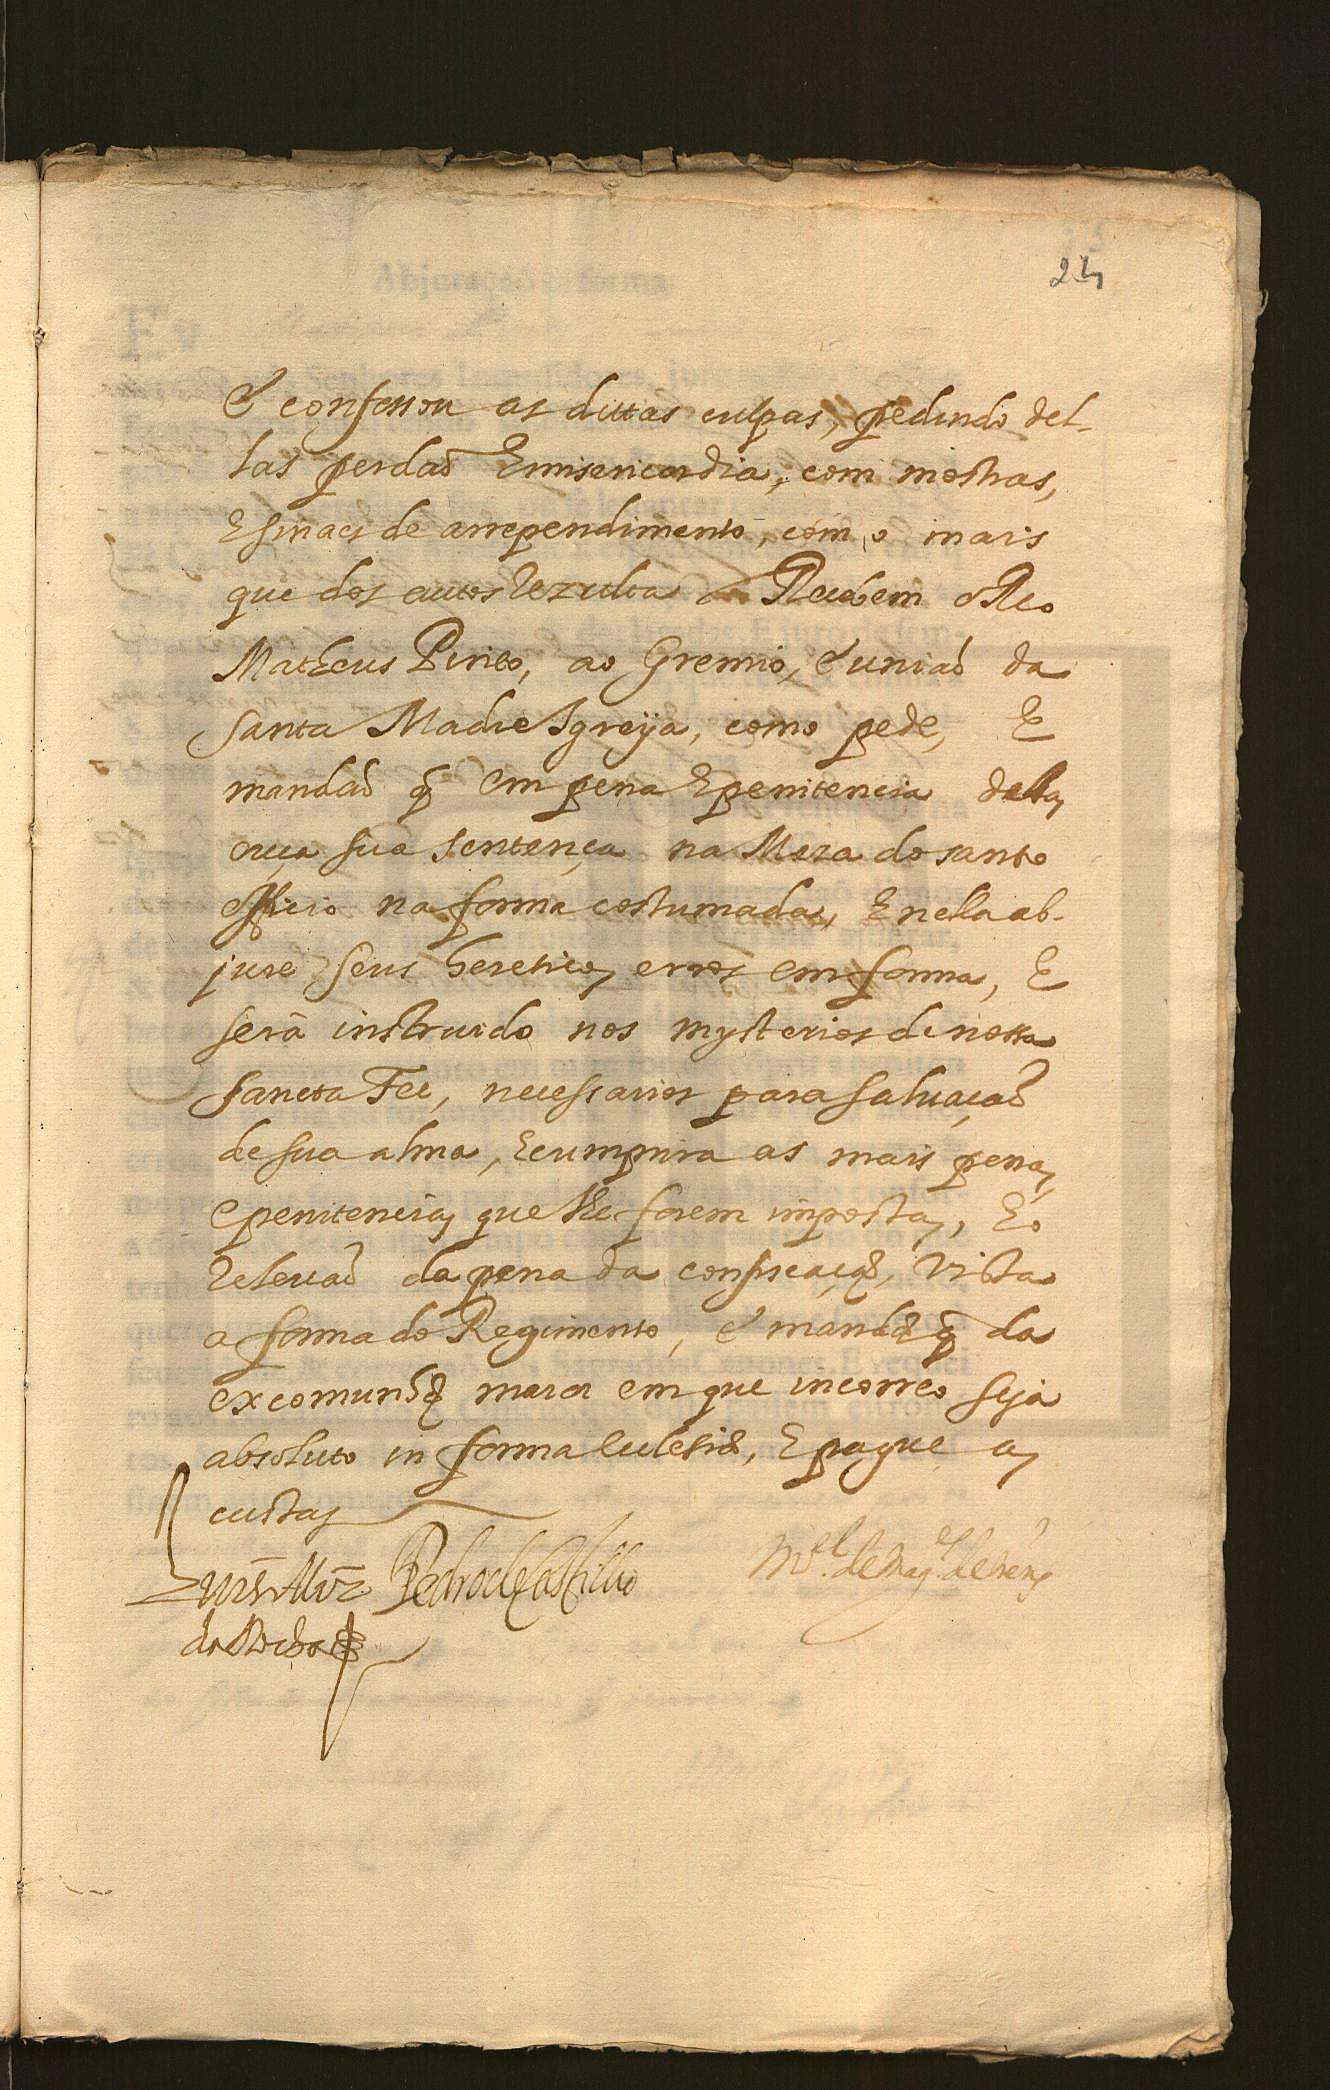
& confessou as dittas culpas, pedindo del
las perdaõ E misericordia, com mostras,
E sinaes de arrependimento, com, o mais
que dos autos rezulta Recebem o Reo
Matheus Pinto, ao Gremio, & uniaõ da
Santa Madre Igreya, como pede, E
mandaõ q̄ em pena E penitencia della,
ouça sua sentença na Meza do santo
officio na forma costumada, E nella ab
jure seus hereticos erros em forma, E
será instruido nos mysterios de nossa
Sancta Fee, necessarios para saluaçaõ
de sua alma, E cumprira as mais penas
E penitencias que lhe forem impostas, E o
Releuaõ da pena da confiscaçaõ, vista
a forma do Regimento, e mandaõ q̄ da
excomunhaõ maior em que incorreo seja
absoluto in forma ecclesiæ, E pague as
custas
